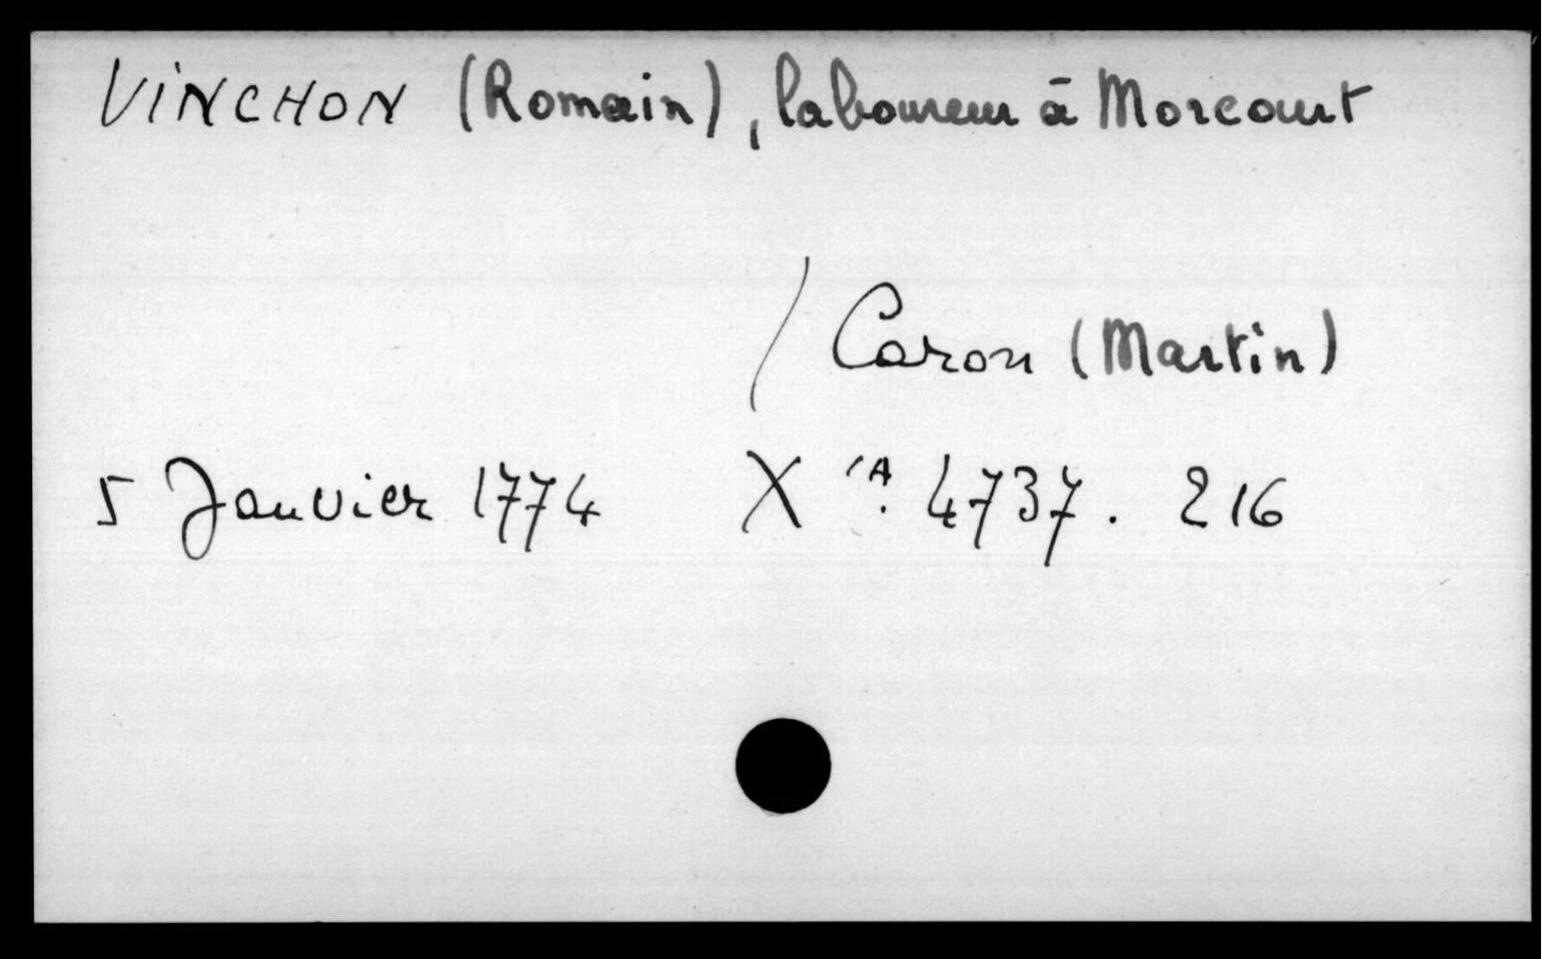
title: VINCHON (Romain), laboureur à Morcourt
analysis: Contre Caron (Martin)
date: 5 janvier 1774
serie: X1A
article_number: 4737
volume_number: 216
